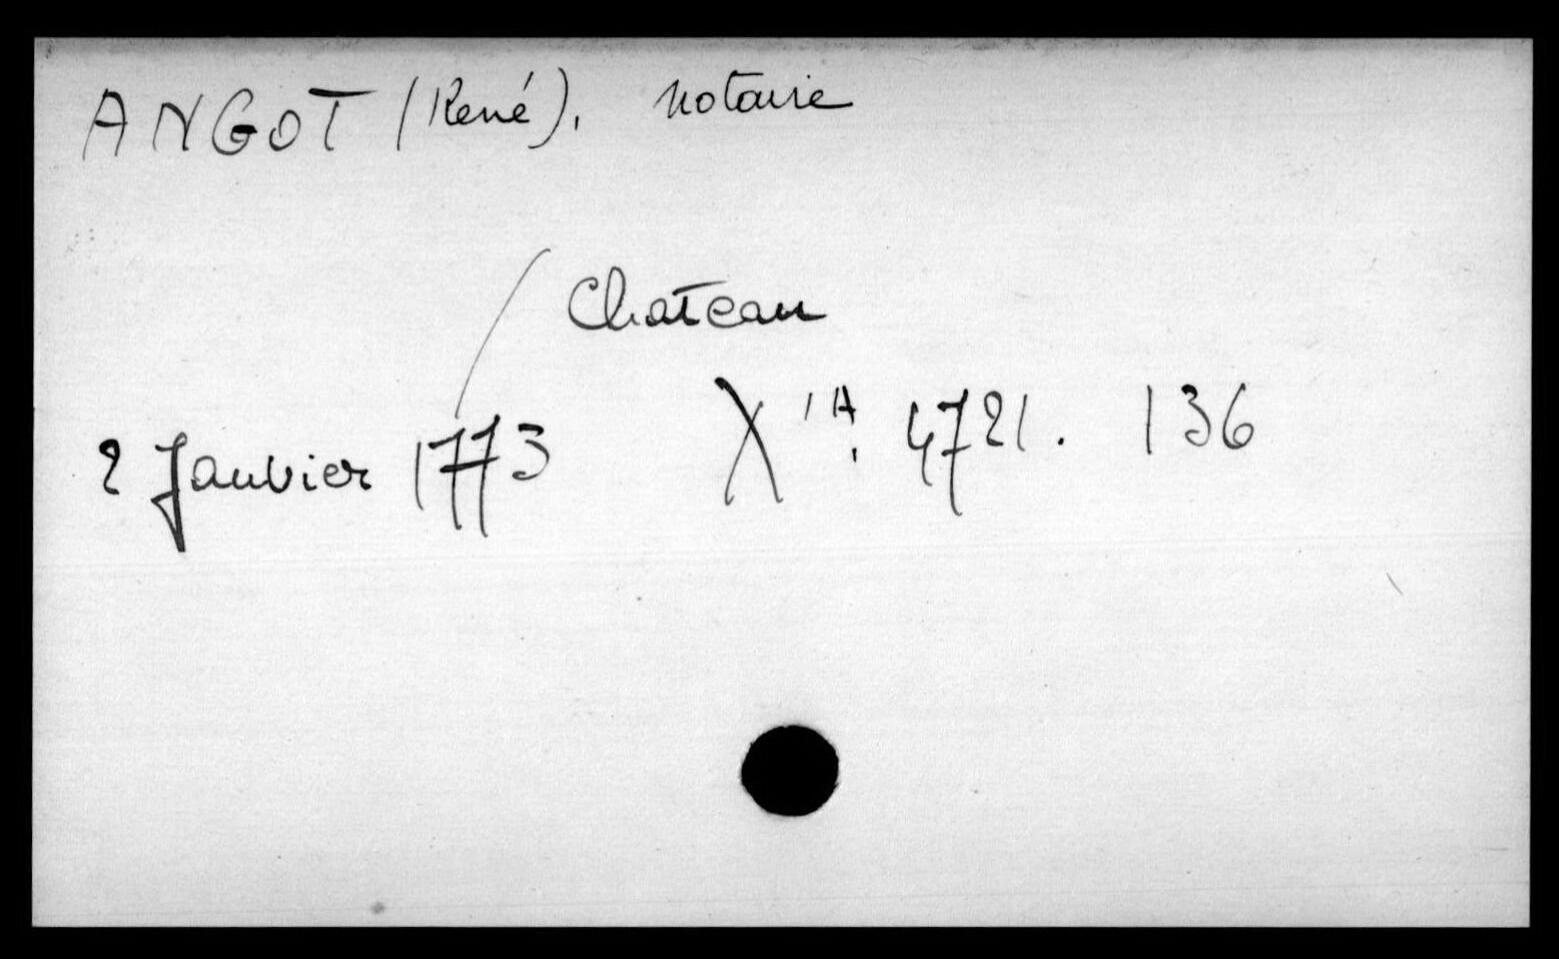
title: ANGOT (René), notaire
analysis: Contre Château
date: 2 janvier 1773
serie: X1A
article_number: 4721
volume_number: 136
